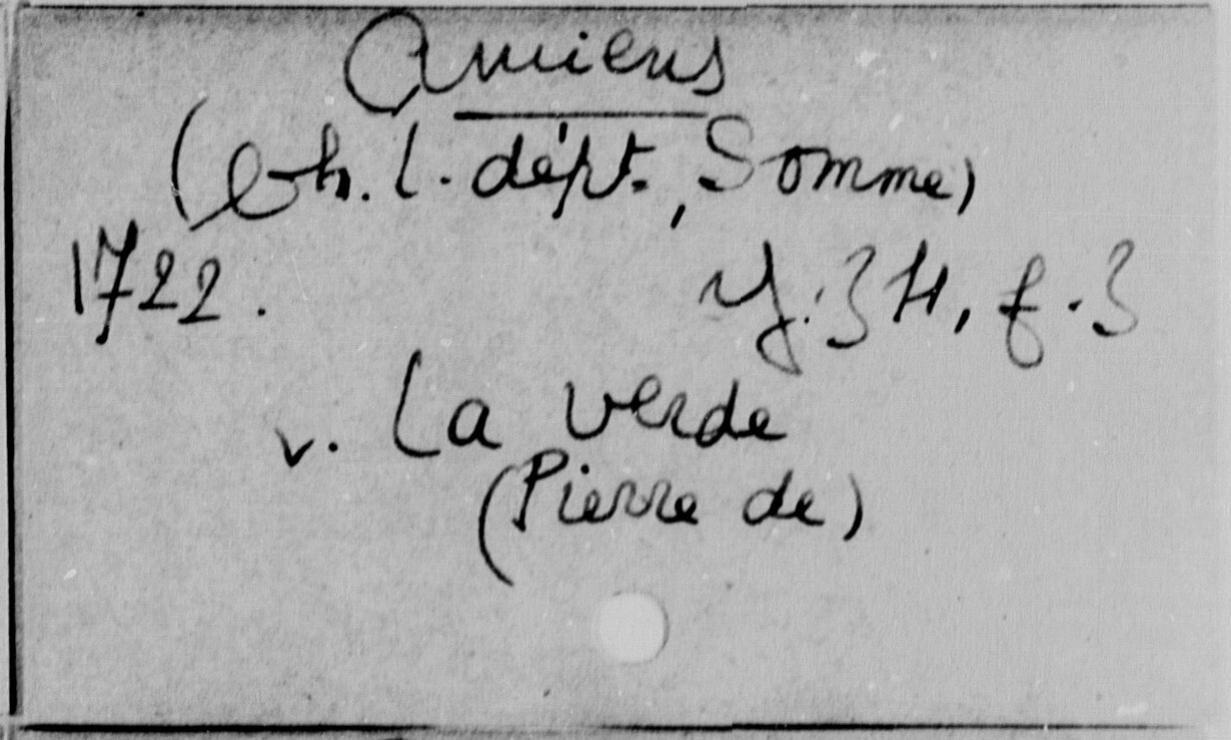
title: Amiens (chef-lieu département, Somme)
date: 1722
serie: Y
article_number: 311
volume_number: folio 3
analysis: Voir La Verde (Pierre de)
